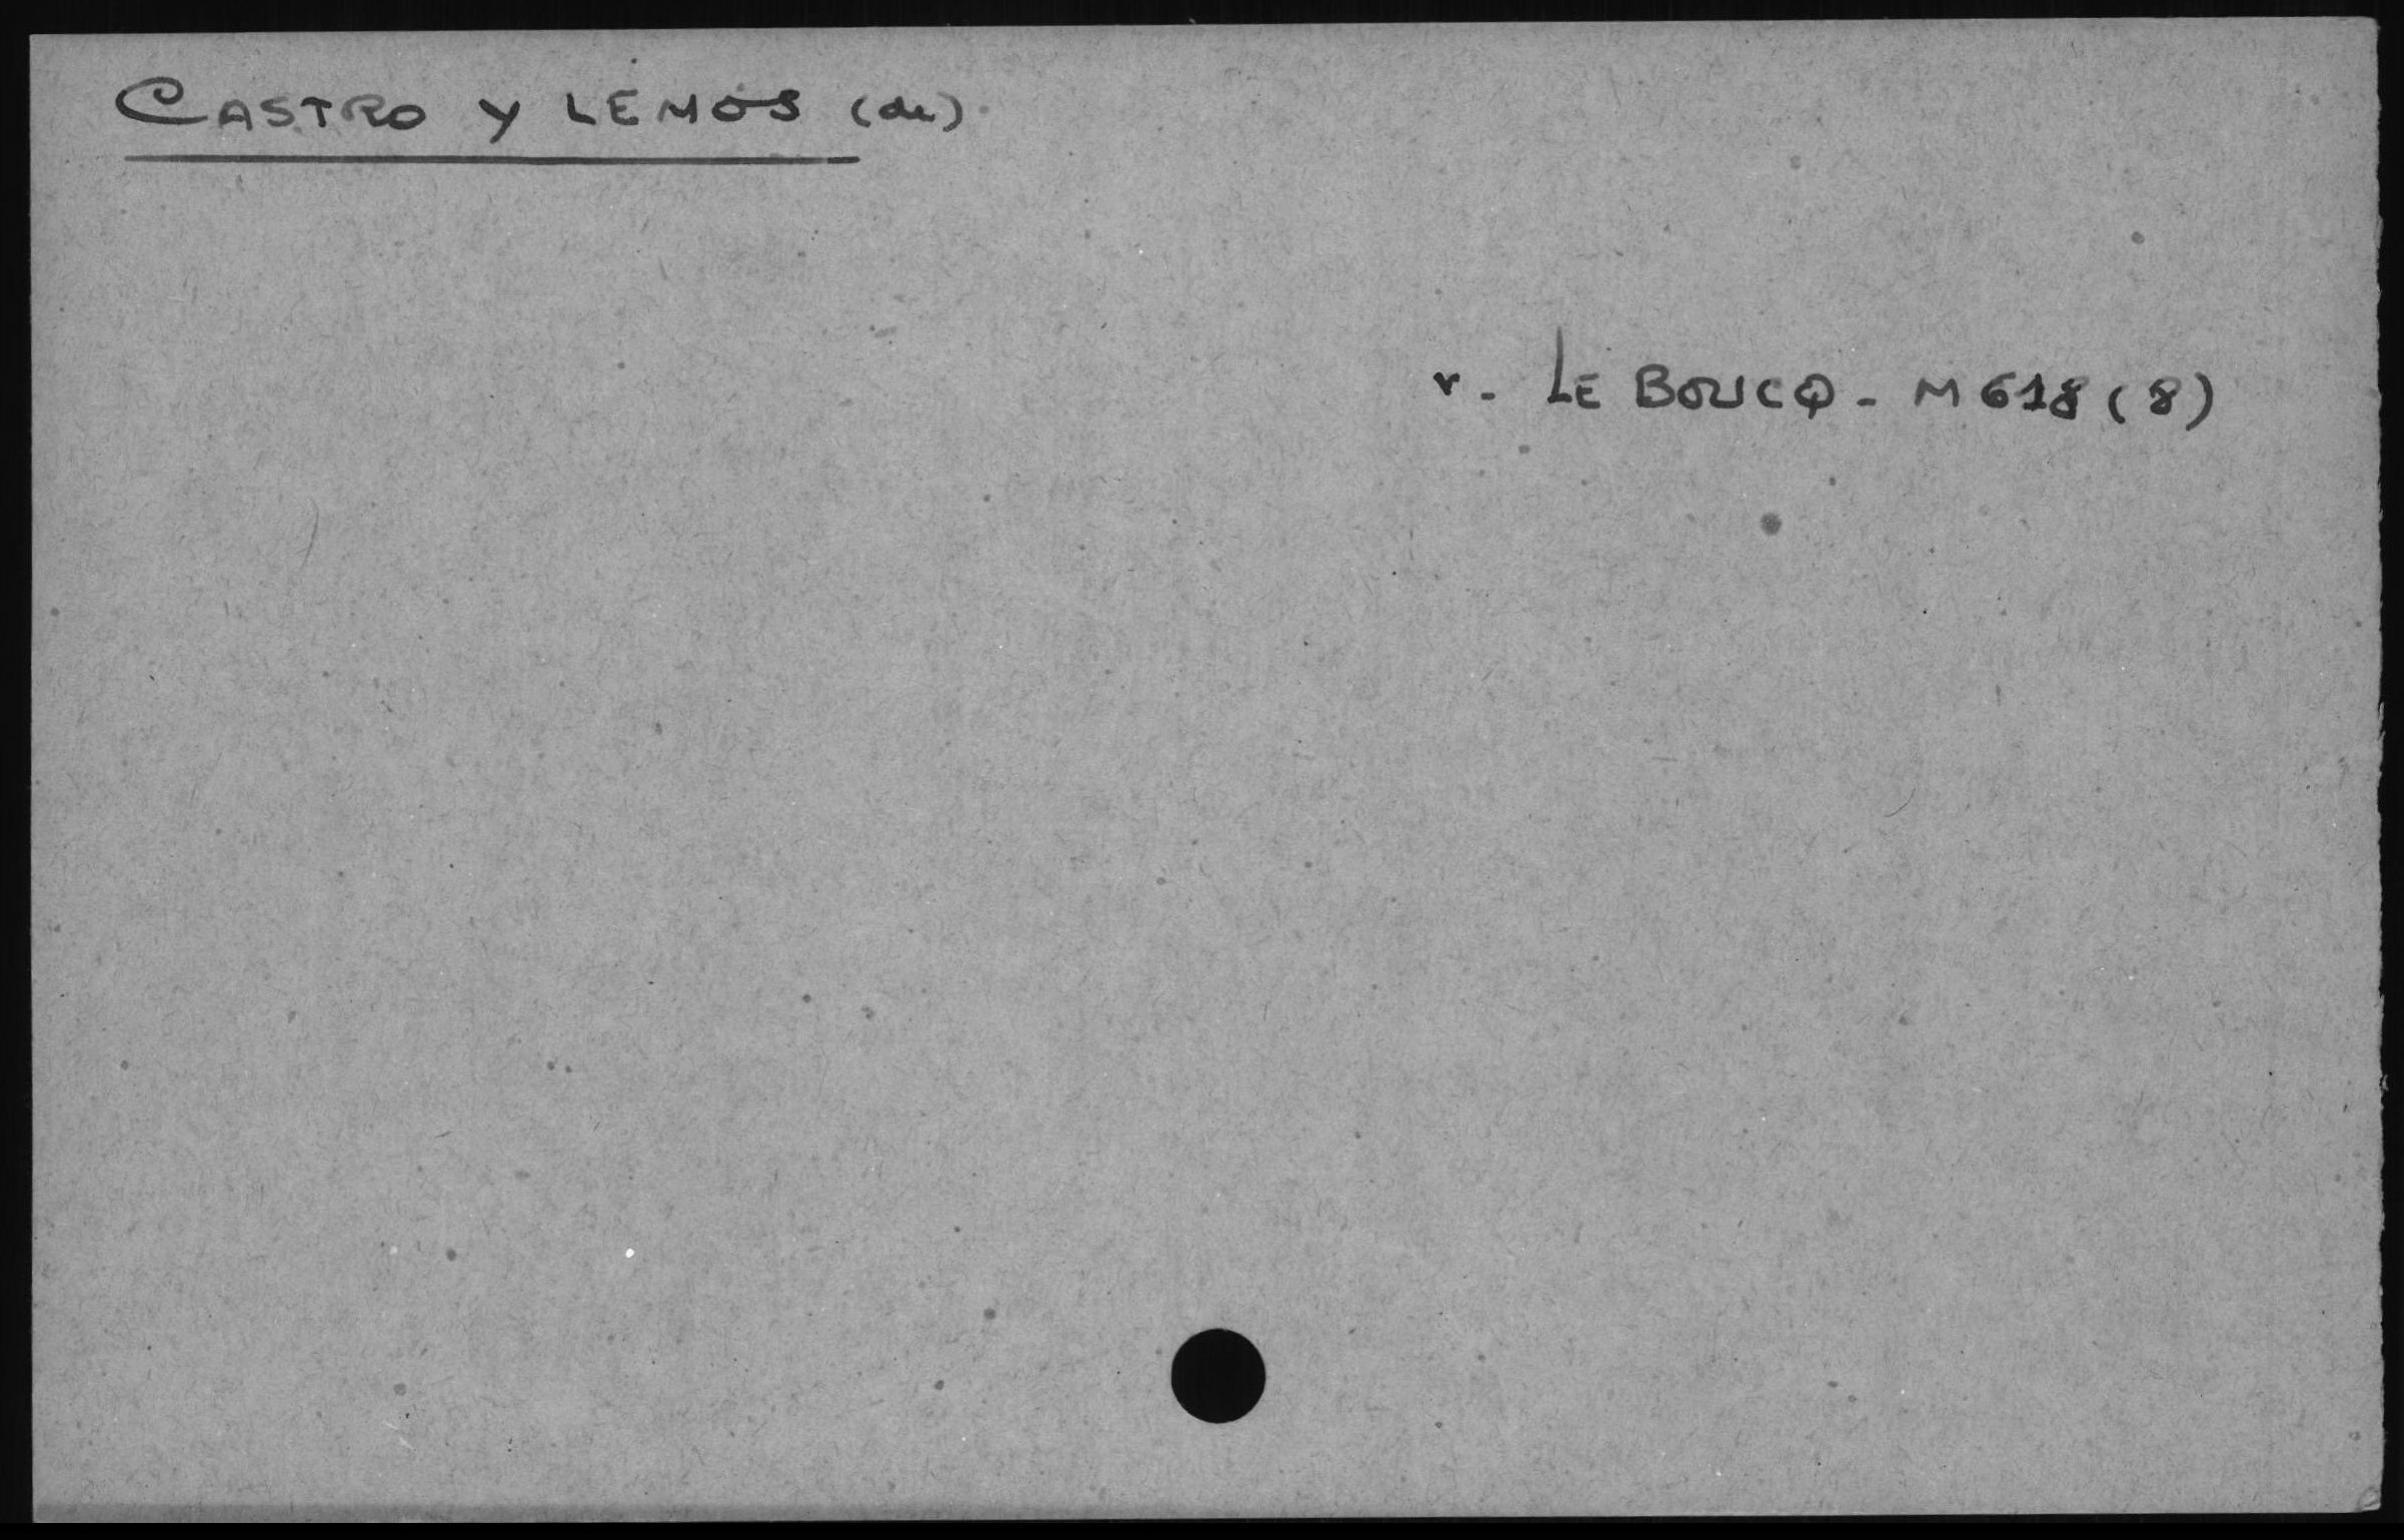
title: CASTRO Y LEMOS (de)
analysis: voir : LE BOUCQ.
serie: M
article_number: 618
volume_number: (8)
